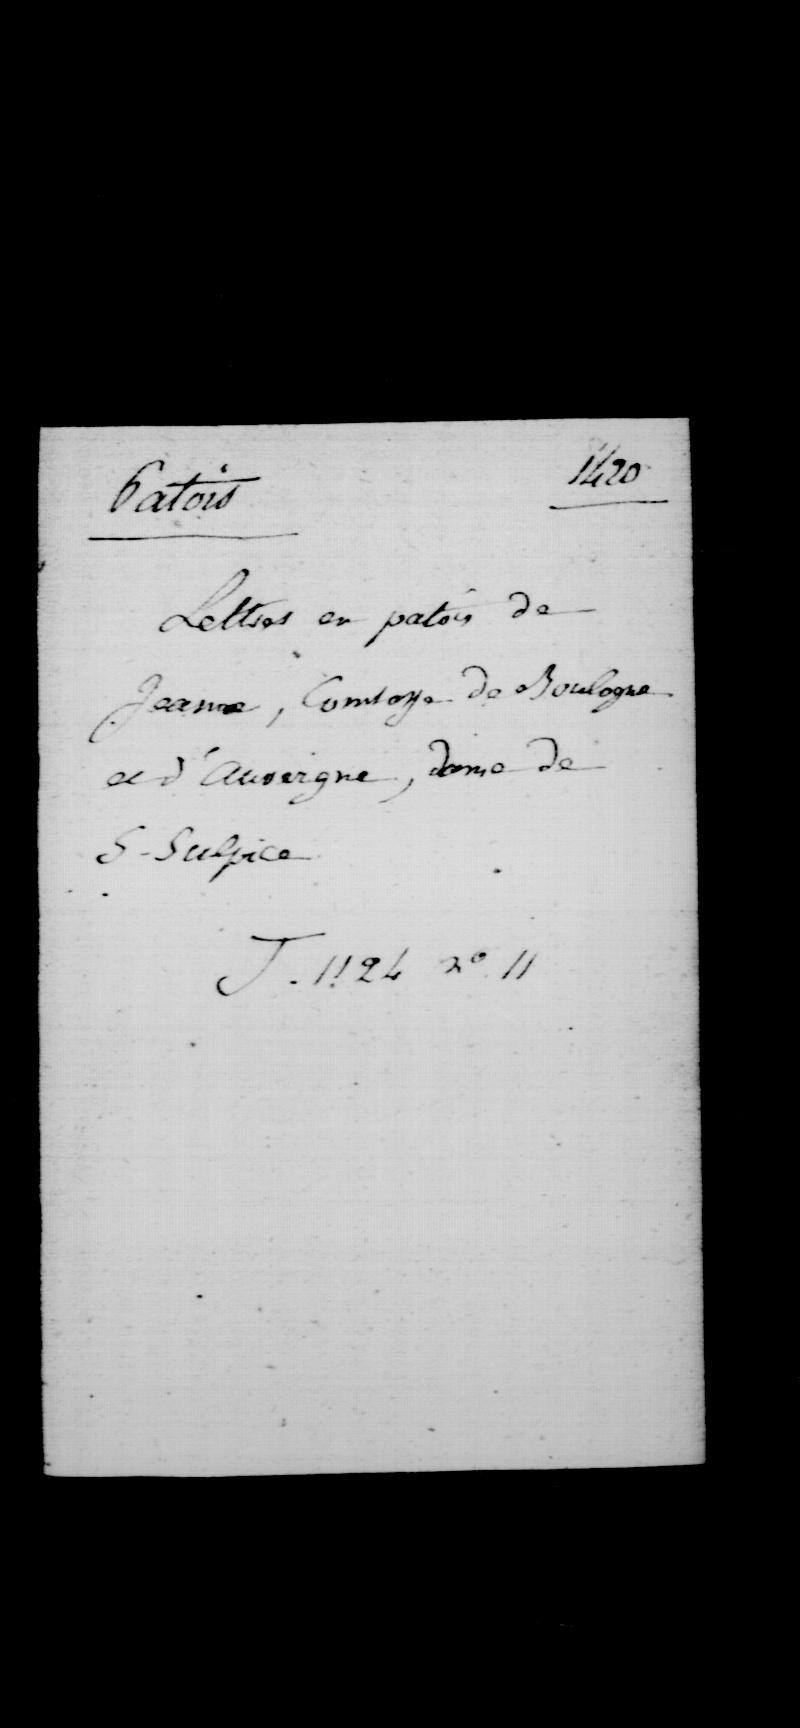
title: Patois
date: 1420
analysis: Lettres en patois de Jeanne, comtesfe de Boulogne et d'Auvergne, dame de Saint-Sulpice
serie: J
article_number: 1124
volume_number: n° 11
